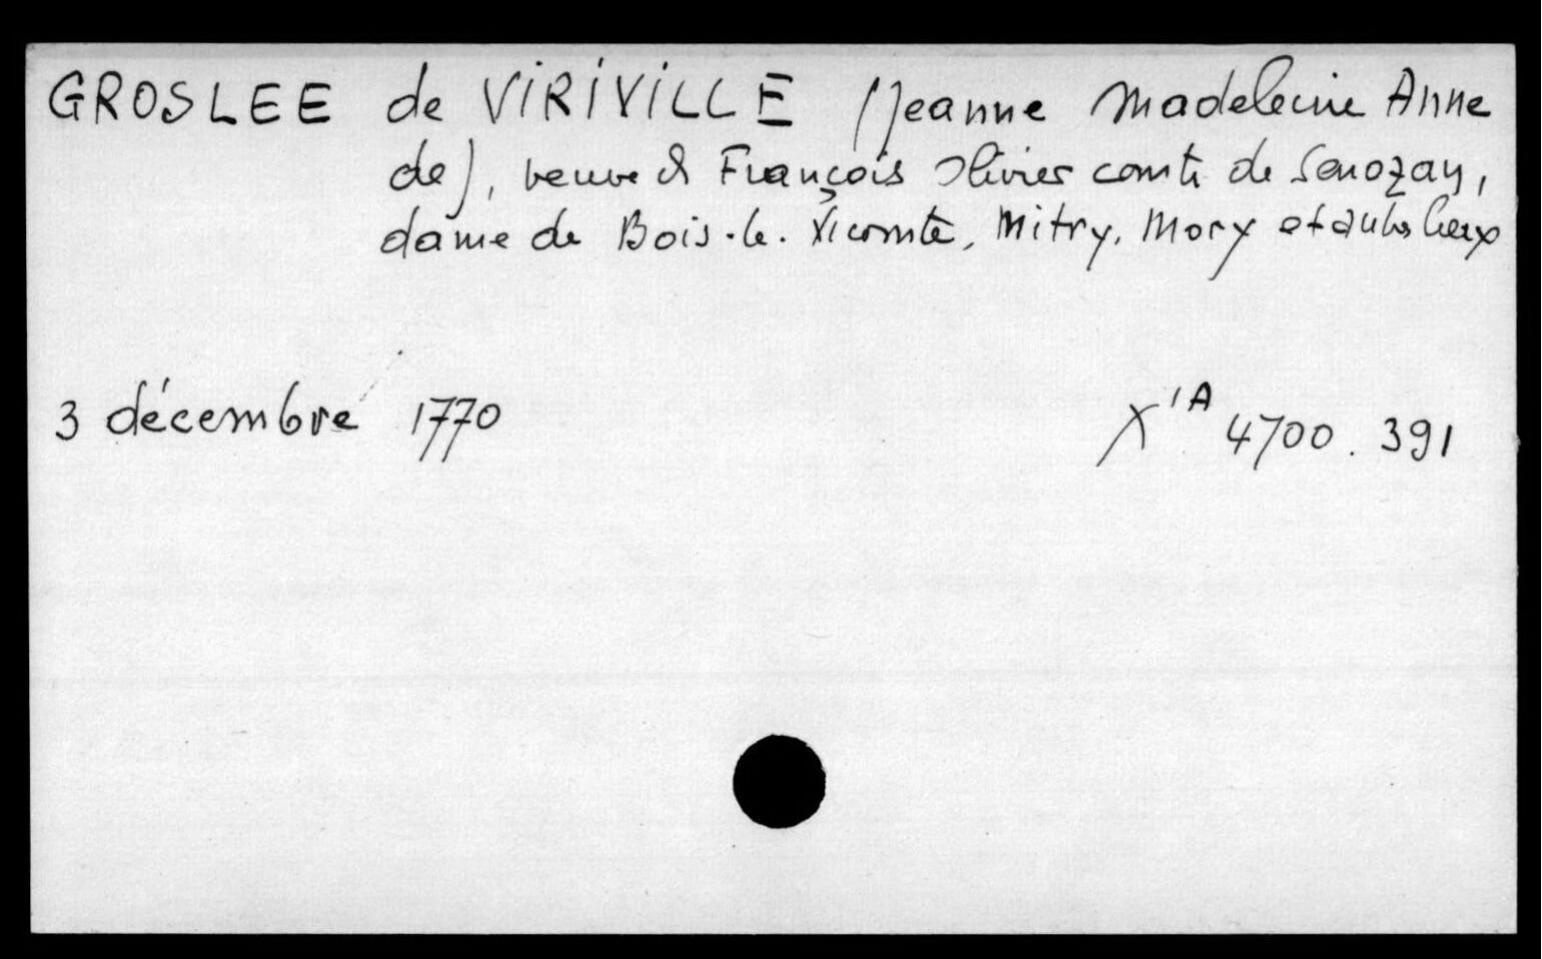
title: GROSLÉE de VIRIVILLE (Jeanne Madeleine Anne de), veuve de François Olivier, comte de Senozan, dame de Bois-le-Vicomte, Mitry, Mory et autres lieux
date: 3 décembre 1770
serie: X1A
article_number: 4700
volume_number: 391
